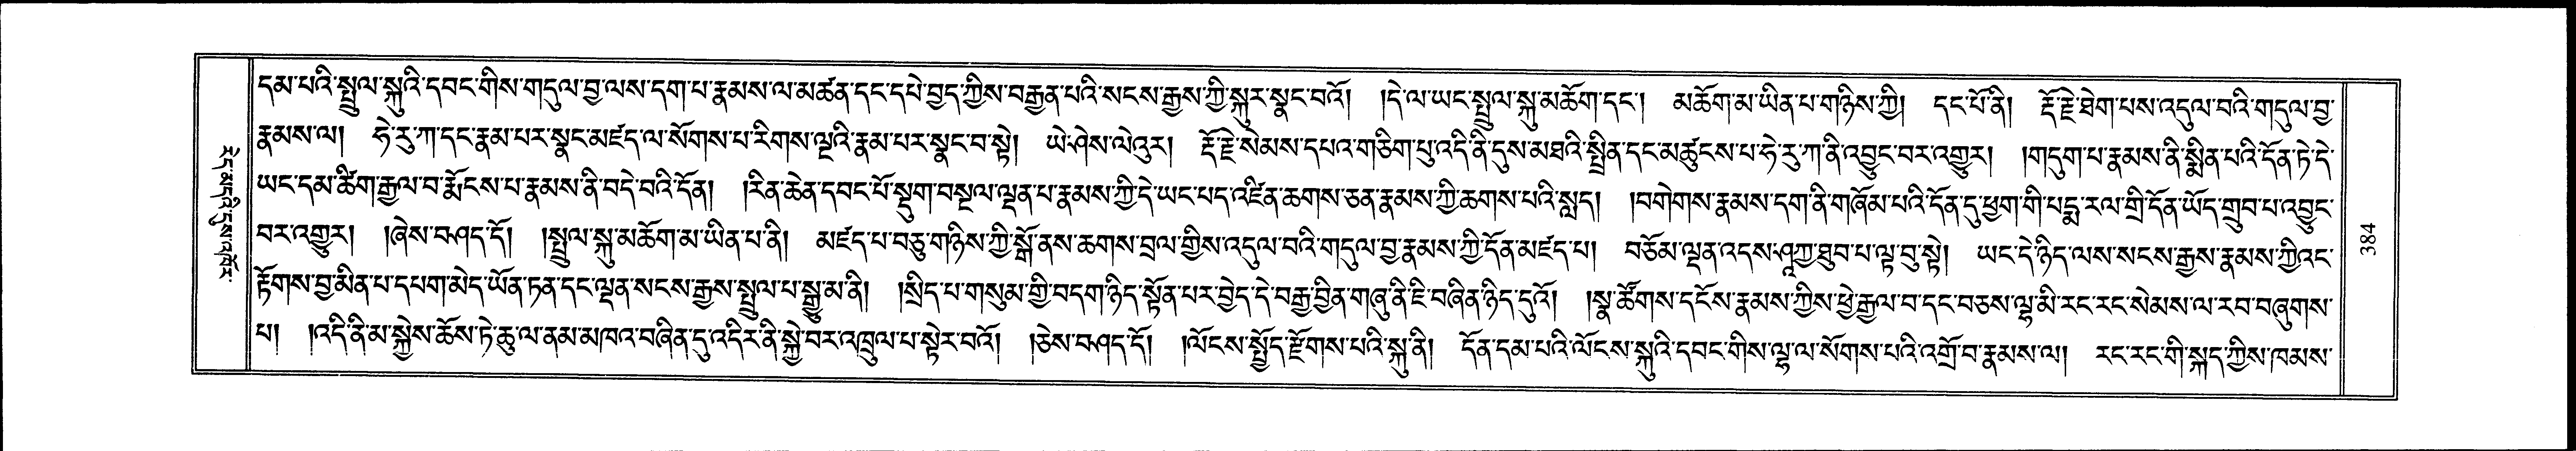དམ་པའི་སྤྲུལ་སྐུའི་དབང་གིས་གདུལ་བྱ་ལས་དག་པ་རྣམས་ལ་མཚན་དང་དཔེ་བྱད་ཀྱིས་བརྒྱན་པའི་སངས་རྒྱས་ཀྱི་སྐུར་སྣང་བའོ། །དེ་ལ་ཡང་སྤྲུལ་སྐུ་མཆོག་དང་། མཆྒོ་མ་ཡིན་པ་གཉིས་ཀྱི། དང་པོ་ནི། རྡོ་རྗེ་ཐེག་པས་འདུལ་བའི་གདུལ་བྱ་
རྣམས་ལ། ཧེ་རུ་ཀ་དང་རྣམ་པར་སྣང་མཛད་ལ་སོགས་པ་རིགས་ལྔའི་རྣམ་པར་སྣང་བ་སྟེ། ཡེ་ཤེས་ལེའུར། རྡོ་རྗེ་སེམས་དཔའ་གཅིག་པུ་འདི་ནི་དུས་མཐའི་སྤྲིན་དང་མཚུངས་པ་ཧེ་རུ་ཀ་ནི་འབྱུང་བར་འགྱུར། །གདུག་པ་རྣམས་ནི་སྨིན་པའི་དོན་ཏེ་དེ་
ཡང་དམ་ཚིག་རྒྱལ་བ་རྨོངས་པ་རྣམས་ནི་བདེ་བའི་དོན། །རིན་ཆེན་དབང་པོ་སྡུག་བསྔལ་ལྡན་པ་རྣམས་ཀྱི་དེ་ཡང་པད་འཛིན་ཆགས་ཅན་རྣམས་ཀྱི་ཆགས་པའི་སླད། །བགེགས་རྣམས་དག་ནི་གཞོམ་པའི་དོན་དུ་ཕྱག་གི་པདམ་རལ་གྲི་དོན་ཡོད་གྲུབ་པ་འབྱུང་
བར་འགྱུར། །ཞེས་བཤད་དོ། །སྤྲུལ་སྐུ་མཆོག་མ་ཡིན་པ་ནི། མཛད་པ་བཅུ་གཉིས་ཀྱི་སྒོ་ནས་ཆགས་བྲལ་གྱིས་འདུལ་བའི་གདུལ་བྱ་རྣམས་ཀྱི་དོན་མཛད་པ། བཅོམ་ལྡན་འདས་ཤཱཀྱ་ཐུབ་པ་ལྟ་བུ་སྟེ། ཡང་དེ་ཉིད་ལས་སངས་རྒྱས་རྣམས་ཀྱིའང་
རྟོགས་བྱ་མིན་པ་དཔག་མེད་ཡོན་ཏན་དང་ལྡན་སངས་རྒྱས་སྤྲུལ་པ་སྒྱུ་མ་ནི། །སྲིད་པ་གསུམ་གྱི་བདག་ཉིད་སྟོན་པར་བྱེད་དེ་བརྒྱ་བྱིན་གཞུ་ནི་ཇི་བཞིན་ཉིད་དུའོ། །སྣ་ཚོགས་དངོས་རྣམས་ཀྱིས་ཕྱེ་རྒྱལ་བ་དང་བཅས་ལྷ་མི་རང་རང་སེམས་ལ་རབ་བཞུགས་
པ། །འདི་ནི་མ་སྐྱེས་ཆོས་ཏེ་ཆུ་ལ་ནམ་མཁའ་བཞིན་དུ་འདིར་ནི་སྐྱེ་བར་འཁྲུལ་པ་སྟེར་བའོ། །ཅེས་བཤད་དོ། །ལོངས་སྤྱོད་རྫོགས་པའི་སྐུ་ནི། དོན་དམ་པའི་ལོངས་སྐུའི་དབང་གིས་ལྷ་ལ་སོགས་པའི་འགྲོ་བ་རྣམས་ལ། རང་རང་གི་སྐད་ཀྱིས་ཁམས་